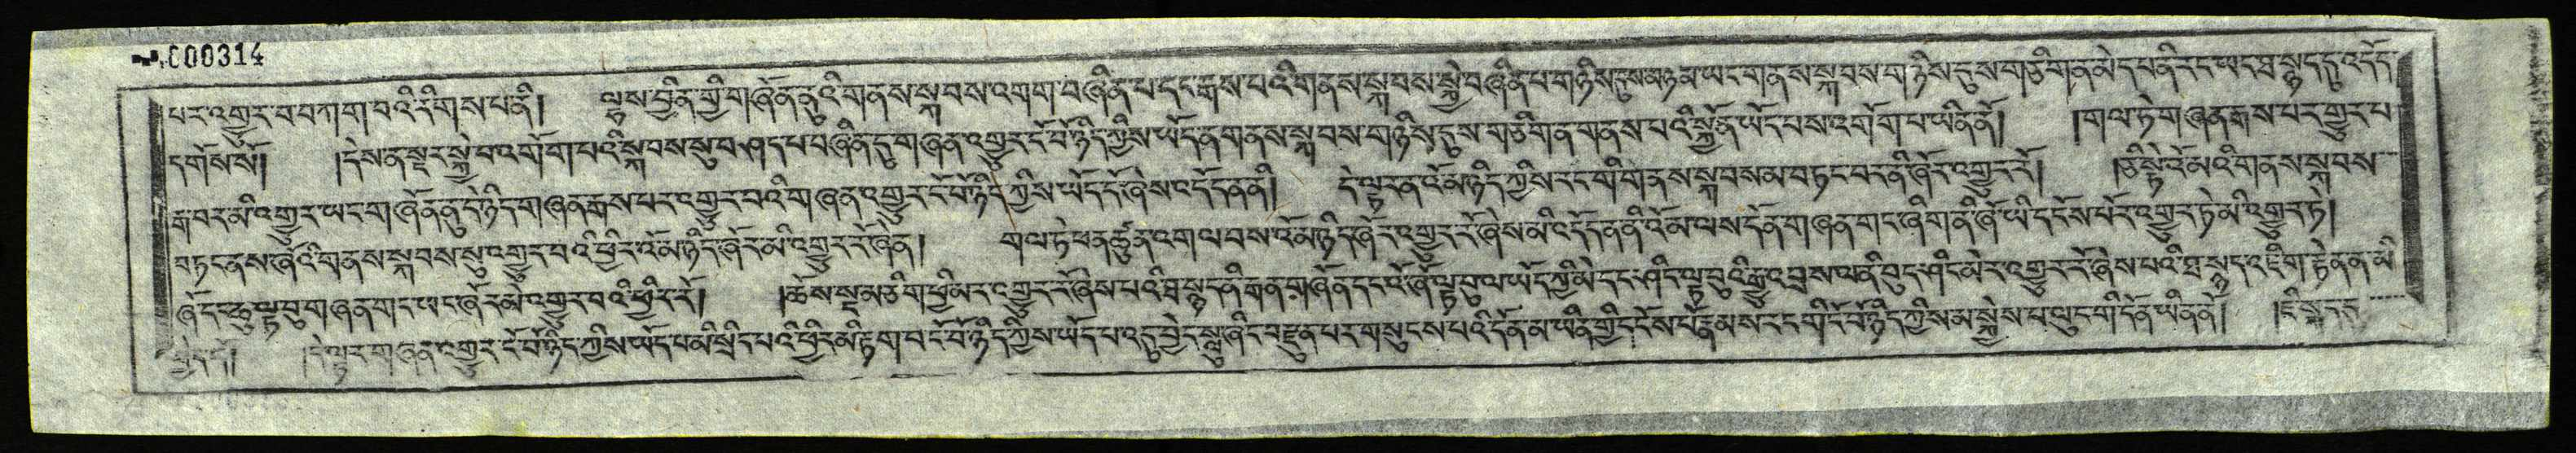པར་འགྱུར་བ་བཀག་པའི་རིགས་པ་ནི། ལྷས་བྱིན་གྱི་གཞོན་ནུའི་གནས་སྐབས་འགག་བཞིན་པ་དང་རྒས་པའི་གནས་སྐབས་སྐྱེ་བཞིན་པ་གཉིས་དུས་མཉམ་ཡང་གནས་སྐབས་གཉིས་དུས་གཅིག་ན་མེད་པ་ནི་རང་ཡང་ཐ་སྙད་དུ་འདོད་
དགོས་སོ། །དེས་ན་སྔར་སྐྱེ་བ་འགོག་པའི་སྐབས་སུ་བཤད་པ་བཞིན་དུ་གཞན་འགྱུར་ངོ་བོ་ཉིད་ཀྱིས་ཡོད་ན་གནས་སྐབས་གཉིས་དུས་གཅིག་ན་གནས་པའི་སྐྱོན་ཡོད་པས་འགོག་པ་ཡིན་ནོ། །གལ་ཏེ་གཞན་རྒས་པར་གྱུར་པ་
རྒ་བར་མི་འགྱུར་ཡང་གཞོན་ནུ་དེ་ཉིད་གཞན་རྒས་པར་འགྱུར་བའི་གཞན་འགྱུར་ངོ་བོ་ཉིད་ཀྱིས་ཡོད་དོ་ཞེས་འདོད་ན་ནི། དེ་ལྟར་ན་འོ་མ་ཉིད་ཀྱིས་རང་གི་གནས་སྐབས་མ་བཏང་བར་ནི་ཞོར་འགྱུར་རོ། །ཅི་སྟེ་འོ་མའི་གནས་སྐབས་
བཏང་ནས་ཞོའི་གནས་སྐབས་སུ་འགྱུར་བའི་ཕྱིར་འོ་མ་ཉིད་ཞོར་མི་འགྱུར་རོ་ཞེ་ན། གལ་ཏེ་ཕན་ཚུན་འགལ་བས་འོ་མ་ཉིད་ཞོར་འགྱུར་རོ་ཞེས་མི་འདོད་ན་ནི་འོ་མ་ལས་དོན་གཞན་གང་ཞིག་ནི་ཞོ་ཡི་དངོས་པོར་འགྱུར་ཏེ་མི་འགྱུར་ཏེ།
ཞོ་དང་ཆུ་ལྟ་བུ་གཞན་གང་ཡང་ཞོར་མེ་འགྱུར་བའི་ཕྱིར་རོ། །ཆོས་སྔ་མ་ཅིག་ཕྱི་མར་འགྱུར་རོ་ཞེས་པའི་ཐ་སྙད་ནི་རྒན་གཞོན་དང་འོ་ཞོ་ལྟ་བུ་ལ་ཡོད་ཀྱི་མེ་དང་ཤིང་ལྟ་བུའི་རྒྱུ་འབྲས་ལ་ནི་བུད་ཤིང་མེར་འགྱུར་རོ་ཞེས་པའི་ཐ་སྙད་འཇིག་རྟེན་ན་མི་
བྱེད་དོ། །དེ་ལྟར་གཞན་འགྱུར་ངོ་བོ་ཉིད་ཀྱིས་ཡོད་པ་མི་སྲིད་པའི་ཕྱིར་མི་རྟག་པ་ངོ་བོ་ཉིད་ཀྱིས་ཡོད་པ་འདུ་བྱེད་སླུ་ཞིང་བརྫུན་པར་གསུངས་པའི་དོན་མ་ཡིན་གྱི་དངོས་པོ་རྣམས་རང་གི་ངོ་བོ་ཉིད་ཀྱིས་མ་སྐྱེས་པ་ལུང་གི་དོན་ཡིན་ནོ། །ཇི་སྐད་དུ་